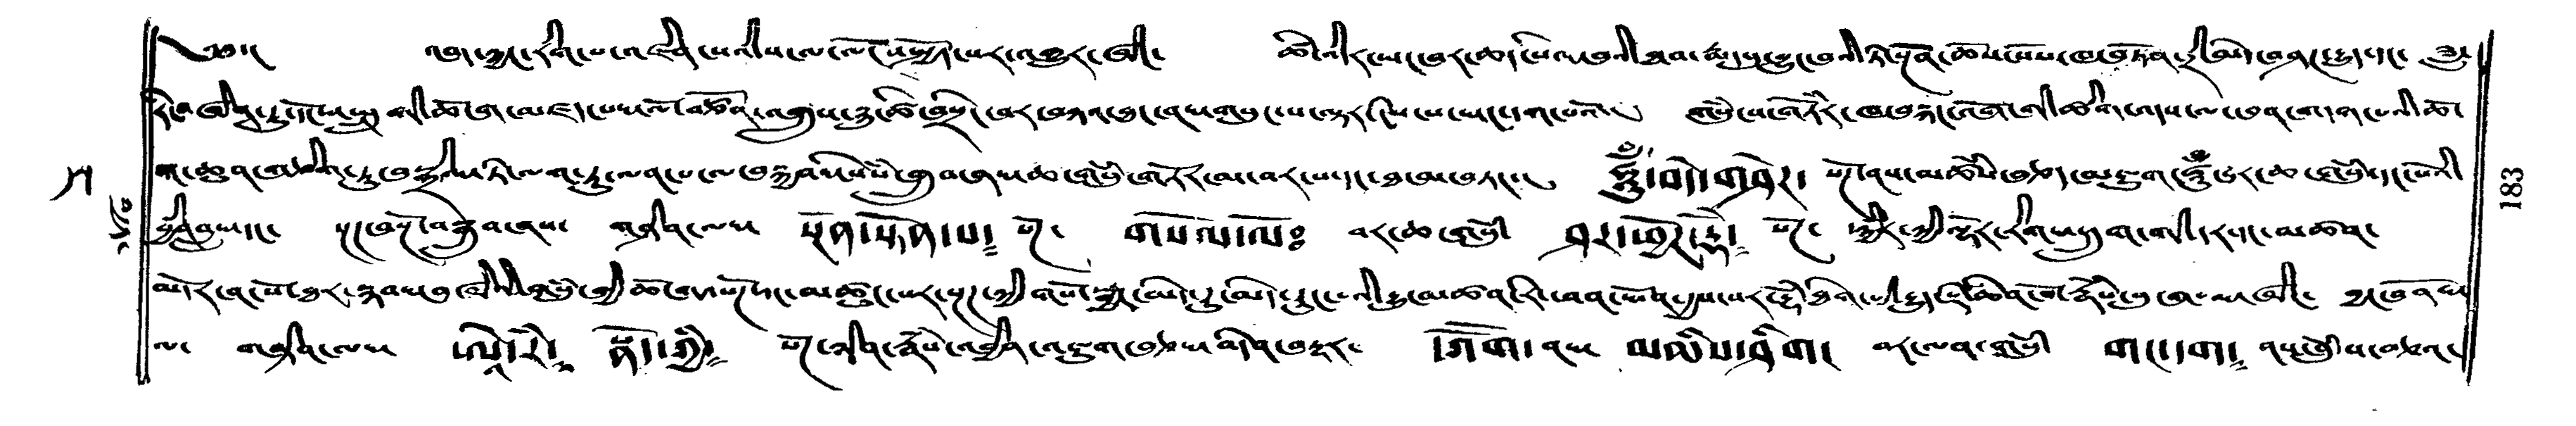འབད་ཀྱང་རིག་པ་འཛིན་པའི་ས་ལ་ལོངས་སྤྱོད་པར་འགྱུར་ཞིང་། ཚེ་འདིར་ཡང་བར་ཆད་སེལ་བའི་ཐབས་རྨད་དུ་བྱུང་བ་ཏེ་སྔོན་ཁ་བཏོན་དྲི་མེད་བཤགས་རྒྱུད་དང་། ཟླ་
རེ་བཞིན་དུ་དོང་སྤྲུག་གི་ཆོ་ག་མཛད་པས་ལོ་ཙ་བ་བཙོན་འགྲུས་སྐུ་ཚེ་བསྲིངས་བ་བཀའ་ཐང་ནས་གསུངས་པ་ལྟར་ངེས་པ་ཡང་དག་པའོ། གསུམ་པ་གཏོར་མ་ཁ་སྐོང་འོག་གི་ཚིག་འདས་ལ་ཕན་གདགས་པའི་ཆོ་
ག་ཆུན་གཅིག་ཏུ་བསྒྲིལ་ཏེ་ལག་ཏུ་ལེན་པ་ལ་སྐྱབས་སེམས་གྲུབ་ནས་ཆ་གསུམ་གཏོར་མ་བར་པ་དང་ཐ་མ་གཏང་། ཧཱུྃ༔ བདེ་གཤེགས༴ སོགས་ནས་མཚམས་བཅད་མཇུག ཧཱུྃ་མཐར་ཆ་གསུམ་དང་པོའི་
བྱིན་རླབས་དང་། སྔགས་བསྔོ་གྲུབ་ནས། གཤིན་ལས། སྔོན་སྟོན་པ༴ སོགས། གསོལ་ལོ༔ བར་ཆ་གསུམ། ཤར་ཕྱོགས་རྡོ་རྗེ༴ སོགས། དཀྱིལ་འཁོར་གྱི་ལྷོར་རིགས་དྲུག་གི་དར་དང་མཚན། 
མདོར་ན་སོ་ཐར་སྐབས་གཞི་གསུམ་གྱི་ཆོ་ག་སོགས་དང་མཚུངས་པར་སྔགས་ཀྱི་གསོ་སྦྱོང་མེད་དུ་མི་རུང་པའི་རྒྱུ་མཚན་དང་ཕན་ཡོན་རྒྱས་པར་རྡོ་རྗེ་ཐེག་པའི་རྒྱུད་སྡེ་ཆེན་པོ་རྣམས་སུ་གསལ་ཞིང་། བྱང་སྡོམ་
ལ་ གཤིན་ལས། ཨེ་རམ༴ སྣོད་ཀྱི༴ སོགས་ཉིན་རྣམས་འབྱིན་འཇུག་བཅས་བདེན་བརྡར། དཀོན་མཆོག༴ ནས། མཆིས་ཤིག༔ བར་ལན་གསུམ། གང་དག༴ ནས་བུམ་པ་བཅའ་